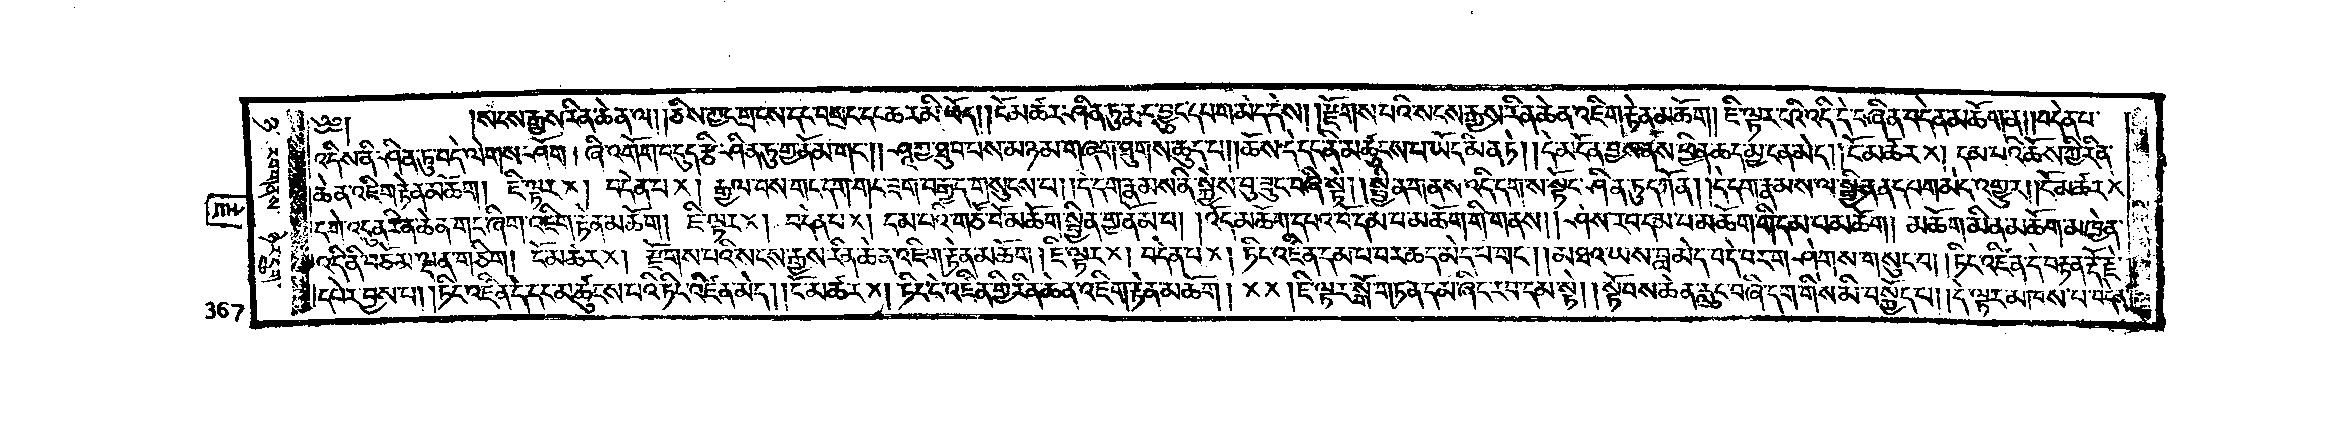༄༅། །སངས་རྒྱས་རིན་ཆེན་ལ། །ཅིས་ཀྱང་གྲངས་དང་བགྲང་དང་ཆར་མི་ཕོད། །ངོ་མཚར་ཤིན་ཏུ་རྨད་བྱུང་དཔག་མེད་དེས། །རྫོགས་པའི་སངས་རྒྱས་རིན་ཆེན་འཇིག་རྟེན་མཆོག །ཇི་ལྟར་ངའི་འདི་དེ་བཞིན་བདེན་མཆོག་ན། །བདེན་པ་
འདིས་ནི་ཤིན་ཏུ་བདེ་ལེགས་ཤོག །ཞི་འགོག་བདུད་རྩི་ཤིན་ཏུ་གྱ་ནོམ་གང་། །ཤཱཀྱ་ཐུབ་པས་མཉམ་གཞག་ཐུགས་ཆུད་པ། །ཆོས་དེ་དང་ནི་མཚུངས་པ་ཡོད་མིན་ཏེ། །དེ་མངོན་བྱས་ནས་ཕྱིན་ཆད་མྱ་ངན་མེད། །ངོ་མཚར྾། དམ་པའི་ཆོས་ཀྱི་རིན་
ཆེན་འཇིག་རྟེན་མཆོག །ཇི་ལྟར྾། བདེན་པ྾། རྒྱལ་བས་གང་དག་གང་ཟག་བརྒྱད་གསུངས་པ། །དེ་དག་རྣམས་ནི་སྐྱེས་བུ་ཟུང་བཞི་སྟེ། །སྦྱིན་གནས་འདི་?་དག་ས་སྟེང་ཤིན་ཏུ་དཀོན། །དེ་དག་རྣམས་ལ་སྦྱིན་ན་དཔག་མེད་འགྱུར། །ངོ་མཚར྾་
དགེ་འདུན་རིན་ཆེན་གང་ཞིག་འཇིག་རྟེན་མཆོག །ཇི་ལྟར྾། བདེན་པ྾། དམ་པའི་གཙོ་བོ་མཆོག་སྦྱིན་གྱ་ནོམ་པ། །འོད་མཆོག་དཔའ་བོ་དམ་པ་མཆོག་གི་གནས། །ཤེས་རབ་དམ་པ་མཆོག་གི་དམ་པ་མཆོག །མཆོག་མིན་མཆོག་མཁྱེན་
འདི་ནི་བཅོམ་ལྡན་གཅིག །ངོ་མཚར྾། རྫོགས་པའི་སངས་རྒྱས་རིན་ཆེན་འཇིག་རྟེན་མཆོག །ཇི་ལྟར྾། བདེན་པ྾། ཏིང་འཛིན་དམ་པ་བར་ཆད་མེད་པ་གང་། །མཐའ་ཡས་བླ་མེད་བདེ་བར་གཤེགས་གསུང་བ། །ཏིང་འཛིན་དེ་བརྟན་རྡོ་རྗེ་
དཔེར་བྱས་པ། །ཏིང་འཛིན་དེ་དང་མཚུངས་པའི་ཏིང་འཛིན་མེད། །ངོ་མཚར྾། ཏིང་ངེ་འཛིན་གྱི་རིན་ཆེན་འཇིག་རྟེན་མཆོག །྾྾། ཇི་ལྟར་སྒོ་གཏན་དམ་ཞིང་རབ་དམ་སྟེ། །སྟོབས་ཆེན་རླུང་བཞི་དག་གིས་མི་བསྐྱོད་པ། །དེ་ལྟར་མཁས་པ་བདེན་